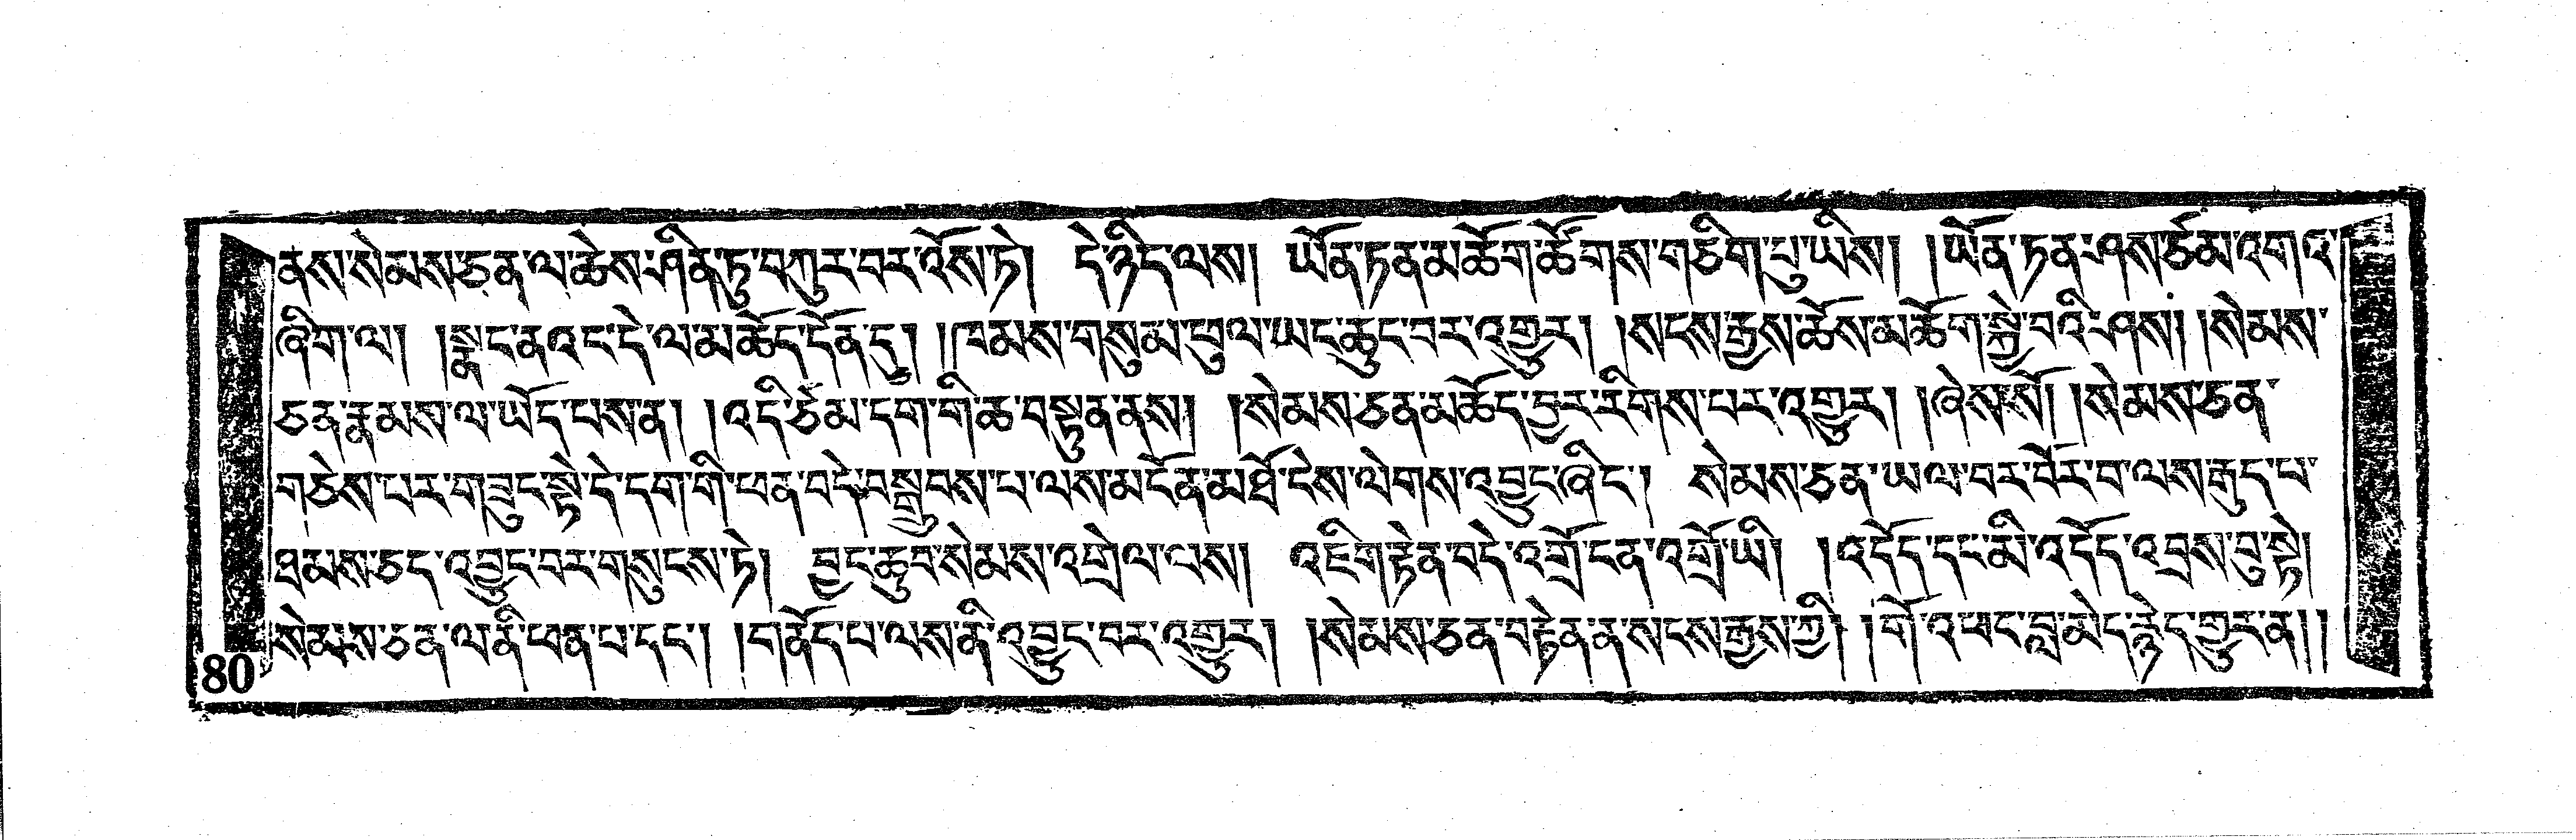ནས་སེམས་ཅན་ལ་ཆེས་ཤིན་ཏུ་བཀུར་བར་འོས་ཏེ། དེ་ཉིད་ལས། ཡོན་ཏན་མཆོག་ཚོགས་གཅིག་པུ་ཡིས། །ཡོན་ཏན་ཤས་ཙམ་འགའ་
ཞིག་ལ། །སྣང་ནའང་དེ་ལ་མཆོད་དོན་དུ། །ཁམས་གསུམ་ཕུལ་ཡང་ཆུང་བར་འགྱུར། །སངས་རྒྱས་ཆོས་མཆོག་སྐྱེ་བའི་ཤས། །སེམས་
ཅན་རྣམས་ལ་ཡོད་པས་ན། །འདི་ཙམ་དག་གི་ཆ་བསྟུན་ནས། །སེམས་ཅན་མཆོད་བྱར་རིགས་པར་འགྱུར། །ཞེས་སོ། །སེམས་ཅན་
གཅེས་པར་གཟུང་སྟེ་དེ་དག་གི་ཕན་བདེ་བསྒྲུབས་པ་ལས་མངོན་མཐོ་ངེས་ལེགས་འབྱུང་ཞིང་། སེམས་ཅན་ཡལ་བར་བོར་བ་ལས་རྒུད་པ་
ཐམས་ཅད་འབྱུང་བར་གསུངས་ཏེ། བྱང་ཆུབ་སེམས་འགྲེལ་ལས། འཇིག་རྟེན་བདེ་འགྲོ་ངན་འགྲོ་ཡི། །འདོད་དང་མི་འདོད་འབྲས་བུ་སྟེ།
སེམས་ཅན་ལ་ནི་ཕན་པ་དང་། །གནོད་པ་ལས་ནི་འབྱུང་བར་འགྱུར། །སེམས་ཅན་བརྟེན་ནས་སངས་རྒྱས་ཀྱི། །གོ་འཕང་བླ་མེད་རྙེད་གྱུར་ན། །